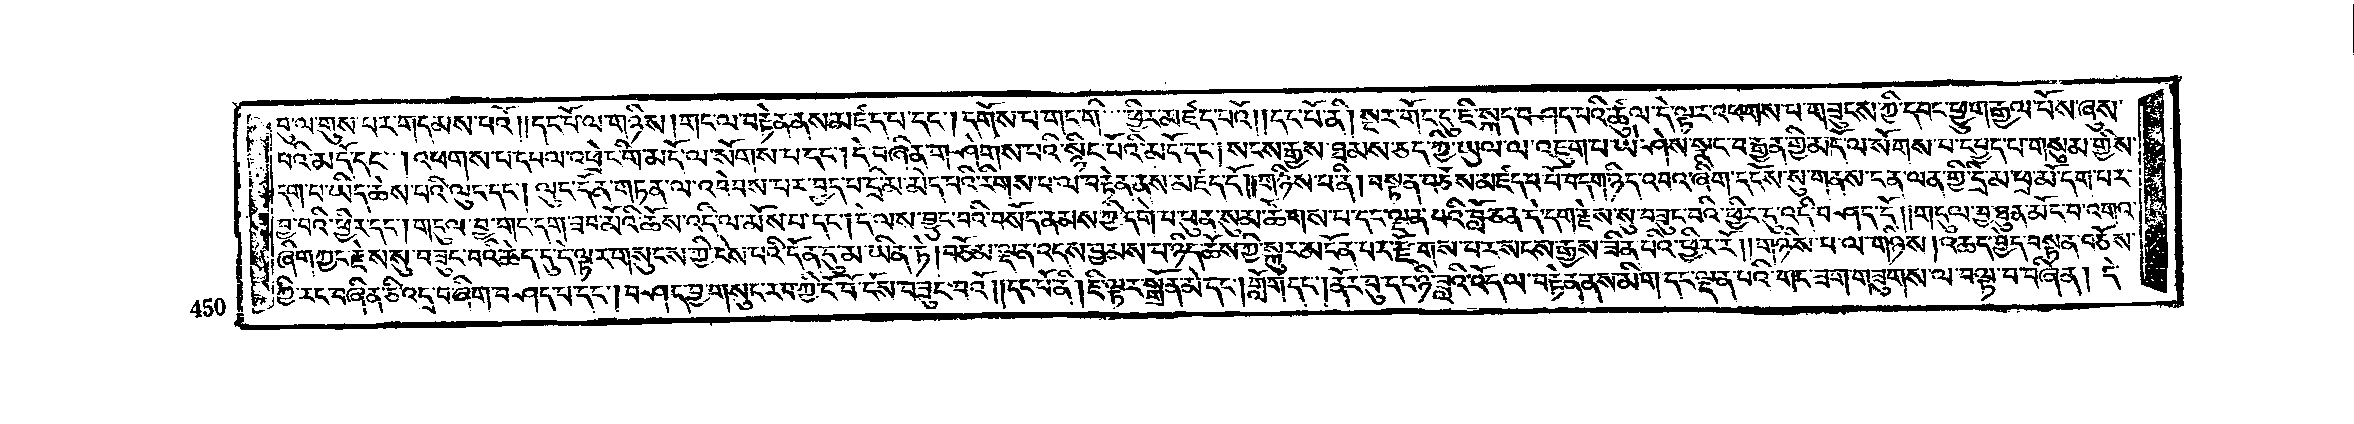བུ་ལ་གུས་པར་གདམས་པའོ། །དང་པོ་ལ་གཉིས། གང་ལ་བརྟེན་ནས་མཛད་པ་དང་། དགོས་པ་གང་གི་ཕྱིར་མཛད་པའོ། །དང་པོ་ནི། སྔར་གོང་དུ་ཇི་སྐད་བཤད་པའི་ཚུལ་དེ་ལྟར་འཕགས་པ་གཟུགས་ཀྱི་དབང་ཕྱུག་རྒྱལ་པོས་ཞུས་
པའི་མདོ་དང་། འཕགས་པ་དཔལ་འཕྲེང་གི་མདོ་ལ་སོགས་པ་དང་། དེ་བཞིན་གཤེགས་པའི་སྙིང་པོའི་མདོ་དང་། སངས་རྒྱས་ཐམས་ཅད་ཀྱི་ཡུལ་ལ་འཇུག་པ་ཡེ་ཤེས་སྣང་བ་རྒྱན་གྱི་མདོ་ལ་སོགས་པ་དཔྱད་པ་གསུམ་གྱིས་
དག་པ་ཡིད་ཆེས་པའི་ལུང་དང་། ལུང་དོན་གཏན་ལ་འབེབས་པར་བྱད་པ་དྲི་མ་མེད་པའི་རིགས་པ་ལ་བརྟེན་ནས་མཛད་དོ། །གཉིས་པ་ནི། བསྟན་བཅོས་མཛད་པ་པོ་བདག་ཉིད་འབའ་ཞིག་དངོས་སུ་གནས་ངན་ལན་གྱི་དྲི་མ་ཕྲ་མོ་དག་པར་
བྱ་བའི་ཕྱིར་དང་། གདུལ་བྱ་གང་དག་ཟབ་མོའི་ཆོས་འདི་ལ་མོས་པ་དང་། དེ་ལས་བྱུང་བའི་བསོད་ནམས་ཀྱི་དགེ་བ་ཕུན་སུམ་ཚོགས་པ་དང་ལྡན་པའི་བློ་ཅན་དེ་དག་རྗེས་སུ་བཟུང་བའི་ཕྱིར་དུ་འདི་བཤད་དོ། །གདུལ་བྱ་ཐུན་མོང་བ་འགའ་
ཞིག་ཀྱང་རྗེས་སུ་བཟུང་བའི་ཆེད་དུ་དེ་ལྟར་གསུངས་ཀྱི་ངེས་པའི་དོན་དུ་མ་ཡིན་ཏེ། བཅོམ་ལྡན་འདས་བྱམས་པ་ཉིད་ཆོས་ཀྱི་སྐུར་མངོན་པར་རྫོགས་པར་སངས་རྒྱས་ཟིན་པའི་ཕྱིར་རོ། །གཉིས་པ་ལ་གཉིས། འཆད་བྱེད་བསྟན་བཅོས་
ཀྱི་རང་བཞིན་ཅི་འདྲ་བ་ཞིག་བཤད་པ་དང་། བཤད་བྱ་གསུང་རབ་ཀྱི་ངོ་བོ་ངོས་བཟུང་བའོ། །དང་པོ་ནི། ཇི་ལྟར་སྒྲོན་མེ་དང་། གློག་དང་། ནོར་བུ་དང་ཉི་ཟླའི་འོད་ལ་བརྟེན་ནས་མིག་དང་ལྡན་པའི་གང་ཟག་གཟུགས་ལ་བལྟ་བ་བཞིན། དེ་